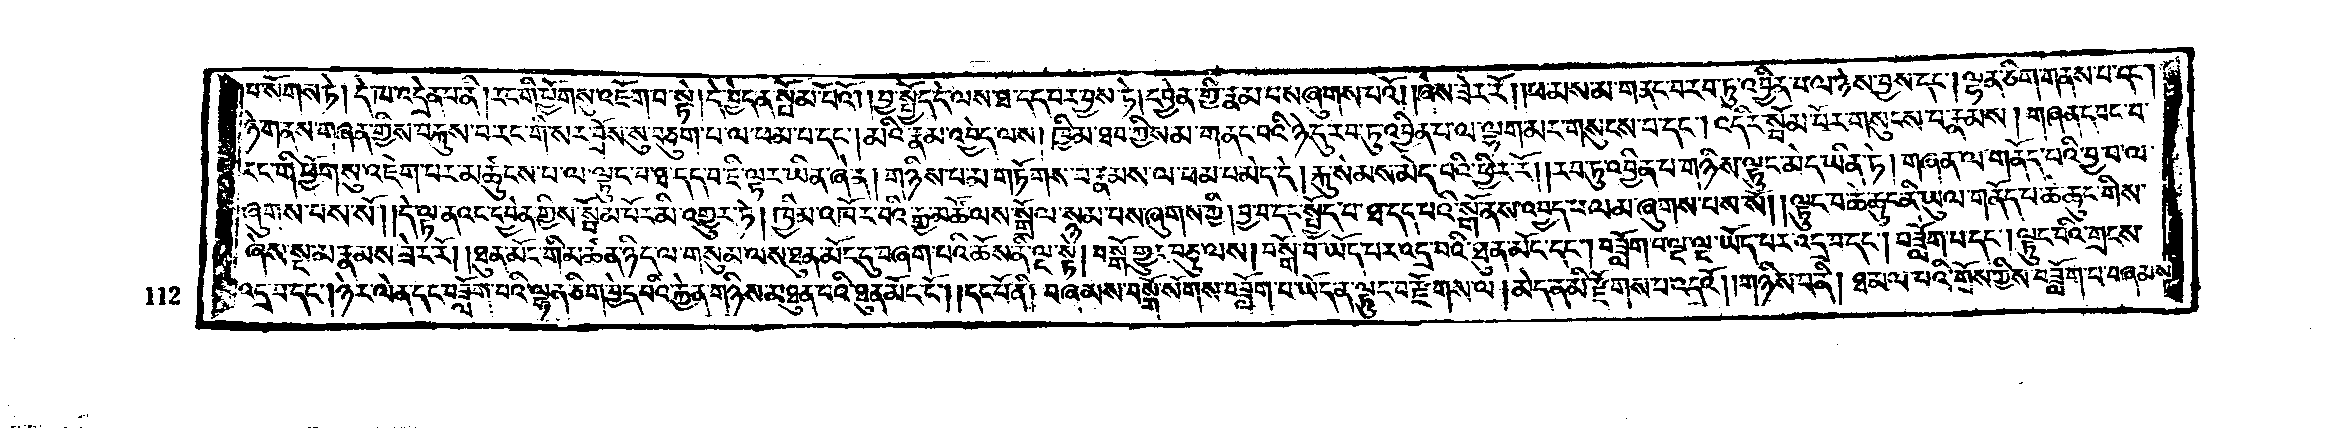པ་སོགས་ཏེ། དེ་ཁ་འདྲེན་པ་ནི། རང་གི་ཕྱོགས་སུ་འཇོག་པ་སྟེ། དེ་བྱེད་ན་སྦོམ་པོའོ། །བྱ་སྤྱོད་དེ་ལས་ཐ་དད་པར་བྱས་ཏེ། དབྱེན་གྱི་རྣམ་པས་ཞུགས་པའོ། །ཞེས་ཟེར་རོ། །ཕ་མས་མ་གནང་བ་རབ་ཏུ་འབྱིན་པ་ལ་ཉེས་བྱས་དང་། ལྷན་ཅིག་གནས་པ་དང་།
ཉེ་གནས་གཞན་གྱིས་བརྐུས་པ་རང་གི་སར་བྲོས་སུ་བཅུག་པ་ལ་ཕམ་པ་དང་། མའི་རྣམ་འབྱེད་ལས། ཁྱིམ་ཐབ་ཀྱིས་མ་གནང་བའི་ཉེ་དུ་རབ་ཏུ་འབྱིན་པ་ལ་ལྷག་མར་གསུངས་པ་དང་། འདིར་སྦོམ་པོར་གསུངས་པ་རྣམས། གཞན་དབང་བ་
རང་གི་ཕྱོགས་སུ་འཇེག་པར་མཚུངས་པ་ལ་ལྟུང་བ་ཐད་དད་པ་ཇི་ལྟར་ཡིན་ཞེ་ན། གཉིས་པ་མ་གཏོགས་པ་རྣམས་ལ་ཕམ་པ་མེད་དེ། རྐུ་སེམས་མེད་པའི་ཕྱིར་རོ། །རབ་ཏུ་འབྱིན་པ་གཉིས་ལྟུང་མེད་ཡིན་ཏེ། གཞན་ལ་གནོད་པའི་བྱ་བ་ལ་
ཞུགས་པས་སོ། །དེ་ལྟ་ནའང་དབྱེན་གྱིས་སྦོམ་པོར་མི་འགྱུར་ཏེ། ཁྱིམ་འཁོར་བའི་རྒྱ་མཚོ་ལས་སྒྲོལ་སྙམ་པས་ཞུགས་ཀྱི། བྱ་བ་དང་སྤྱོད་པ་ཐ་དད་པའི་སྒོ་ནས་འབྱེད་པ་ལ་མ་ཞུགས་པས་སོ། །ལྟུང་བ་ཆེ་ཆུང་ནི་ཡུལ་གནོད་པ་ཆེ་ཆུང་གིས་
ཞེས་སྔ་མ་རྣམས་ཟེར་རོ། །ཐུན་མོང་གི་མཚན་ཉིད་ལ་གསུམ་ལས་ཐུན་མོང་དུ་བཞག་པའི་ཆོས་ནི་ལྔ་སྟེ། བསྒོ་གྱུར་བཅུ་ལས། བསྒོ་བ་ཡོད་པར་འདྲ་བའི་ཐུན་མོང་དང་། བཟློག་པ་ལྔ་ལྔ་ཡོད་པར་འདྲ་བ་དང་། བཟློག་པ་དང་། ལྟུང་བའི་གྲངས་
འདྲ་བ་དང་། ཉེར་ལེན་དང་བཟློག་པའི་ལྷན་ཅིག་བྱེད་པའི་རྐྱེན་གཉིས་མཐུན་པའི་ཐུན་མོང་ངོ། །དང་པོ་ནི། བཞམས་བསྒོ་སོགས་བཟློག་པ་ཡོད་ན་ལྟུང་བ་རྫོགས་ལ། མེད་ན་མི་རྫོགས་པ་འདྲའོ། །གཉིས་པ་ནི། ཐ་མལ་པའི་གྲོས་ཀྱིས་བཟློག་པ་བཞམས་